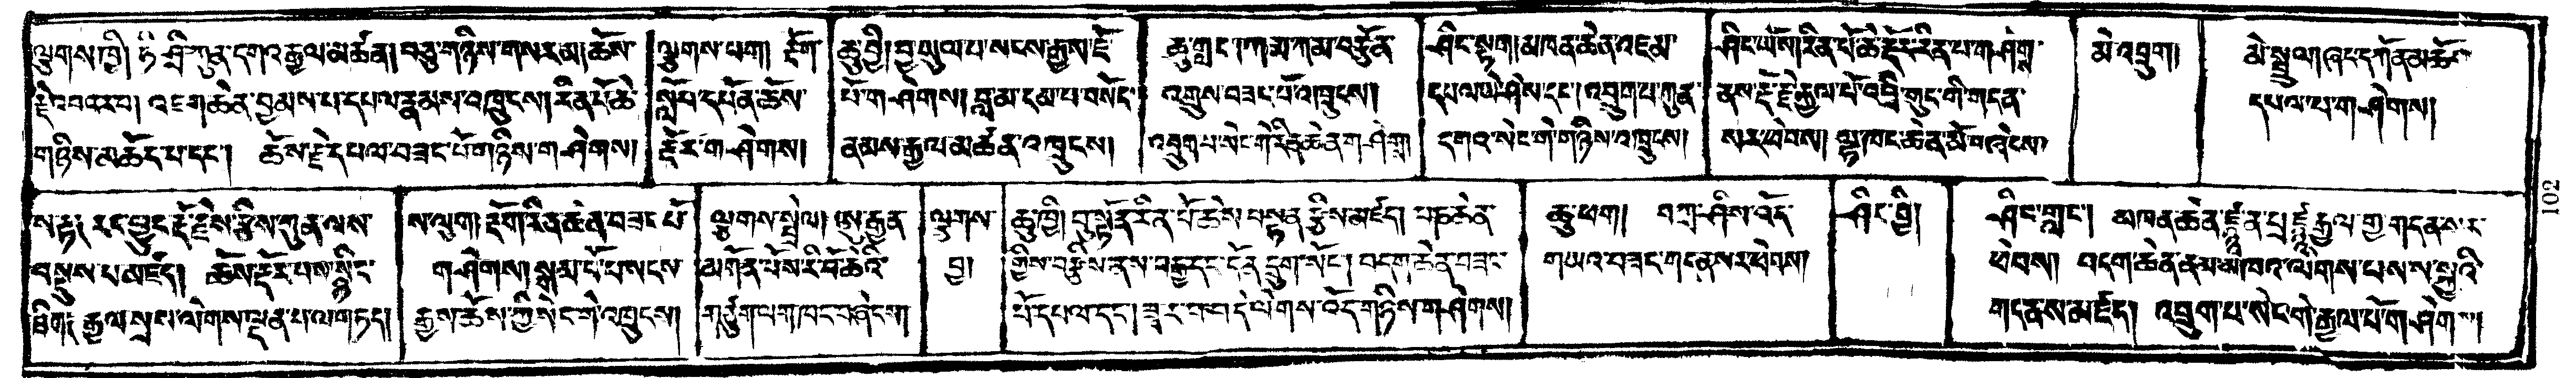ལྕགས་ཁྱི། ཧི་ཤྲི་ཀུན་དགའ་རྒྱལ་མཚན། བཅུ་གཉིས་གསར་མ། ཆོས་ལྕགས་པག། རྡོག་ཆུ་བྱི། བྱ་ཡུལ་པ་སངས་རྒྱས་ཇོ་ཆུ་གླང་། ཀམ་ཀམ་བརྩོན་ཤིན་སྟག་མཁན་ཆེན་འཇམ་ཤིང་ཡོས་རིན་པོ་ཆེ་རྡོར་རིན་པ་གཤེགས་མེ་འབྲུག། མེ་སྦྲུལ་ཞང་དཀོན་མཆོག་
རྗེ་འབར་རབ། འཇག་ཆེན་བྱམས་པ་དཔལ་རྣམས་འཁྲུངས། རིན་པོ་ཆེ། སློབ་དཔོན་ཆོས་པོ་གཤེགས། བླ་མ་དམ་པ་བསོད་འགྲུས་བཟང་པོ་འཁྲུངས། དཔལ་ཡེ་ཤེས་དང་། འབྲུག་པ་ཀུན་ནས་རྡོ་རྗེ་རྒྱལ་པོ་འབྲི་གུང་གི་གདན་དཔལ་པ་གཤེགས།
གཉིས་མཆོད་པ་དང་། ཆོས་རྗེ་དཔལ་བཟང་པོ་གཉིས་གཤེགས། རྡོར་གཤེགས། ནམས་རྒྱལ་མཚན་འཁྲུངས། འབྲུག་པ་སེང་གེ་རིན་ཆེན་གཤེགས། དགའ་སེང་གེ་གཉིས་འཁྲུང་། སར་ཕེབས། ལྷ་ཁང་ཆེན་མོ་བཞེངས།
ས་རྟ། རང་བྱུང་རྡོ་རྗེས་རྩིས་གུན་ལས། ས་ལུག། རྡོག་རིན་ཆེན་བཟང་པོ་ལྕགས་སྦྲེལ། ཨུ་རྒྱུན་ལྕགས་ཆུ་ཁྱི། བུ་སྟོན་རིན་པོ་ཆེས་བསྟན་རྩིས་མཛད། པཎ་ཆེན་ཆུ་ཕག། བཀྲ་ཤིས་བོད་ཤིང་བྱི། ཤིང་གླང་། མཁན་ཆེན་ཛྙཱ་ན་པྲཛྙཱ་རྒྱལ་གྱ་གདན་སར་
བསྡུས་པ་མཛད། ཆོས་རྡོར་པས་སྙིང་གཤེགས། སྒམ་པོ་པ་སངས་མགོན་པོས་རི་པོ་ཆེའི་བྱ། གྱིས་བརྩིས་ནས་བརྒྱ་དང་དོན་དྲུག་སོང་། བདག་ཆེན་བཟང་། གཡའ་བཟང་གདན་སར་ཕེབས། ཕེབས། བདག་ཆེན་ནམ་མཁའ་ལེགས་པས་ས་སྐྱའི་
ཐིག། རྒྱལ་སྲས་ལེགས་ལྡན་པ་ལ་གཏད། རྒྱས་ཆོས་ཀྱི་སེང་གེ་འཁྲུངས། གཙུག་ལག་ཁང་བཞེངས། པོ་དཔལ་དང་། ཟུར?་པ?་བདེ་ལེགས་འོད་གཉིས་གཤེགས། གདན་ས་མཛད། འབྲུག་པ་སེང་གེ་རྒྱལ་པོ་གཤེག།